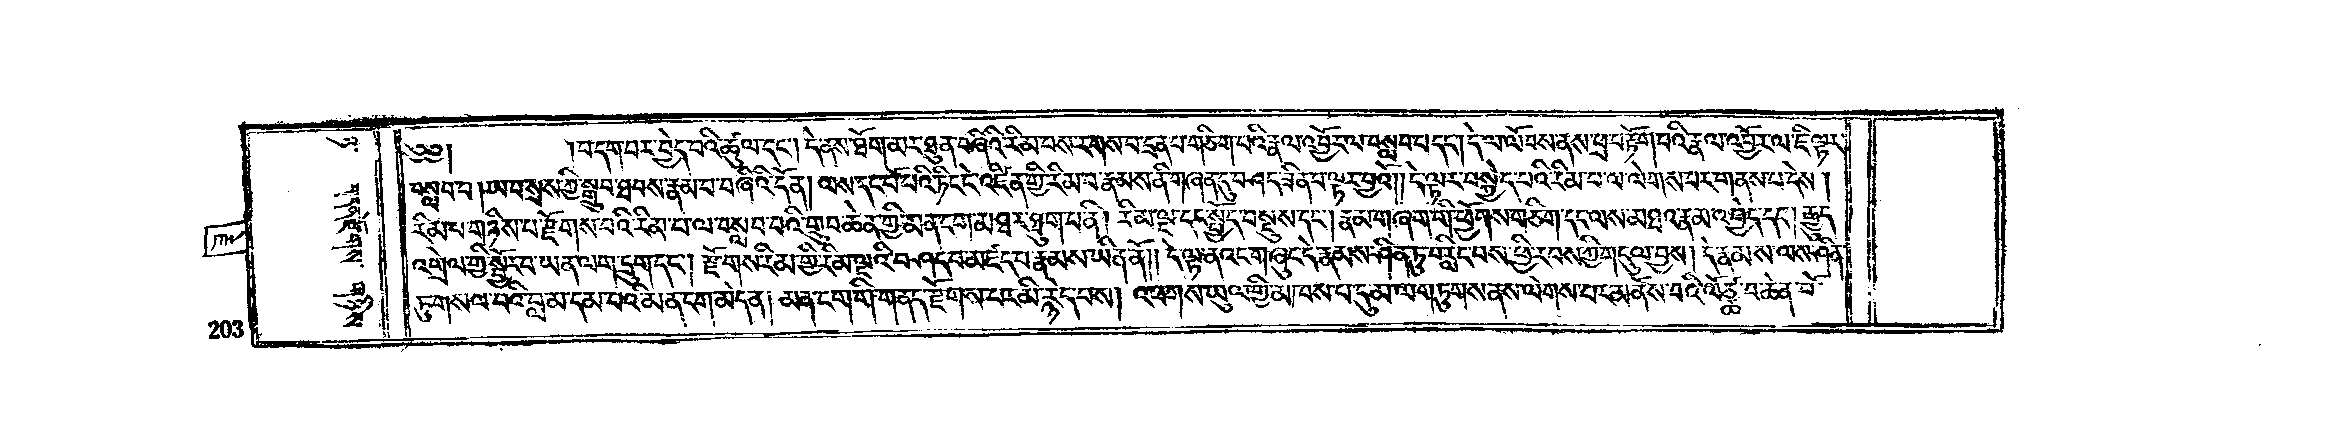༄༅། །པ་དག་པར་བྱེད་པའི་ཚུལ་དང་། དེ་ནས་ཐོག་མར་ཐུན་བཞིའི་རིམ་པས་རགས་པ་དྲན་པ་གཅིག་པའི་རྣལ་འབྱོར་ལ་བསླབ་པ་དང་། དེ་ལ་ལོབས་ནས་ཕྲ་པ་རྟོག་པའི་རྣལ་འབྱོར་ལ་ཇི་ལྟར་
བསླབ་པ། ཡབ་སྲས་ཀྱི་སྒྲུབ་ཐབས་རྣམ་པ་བཞིའི་དོན། ལས་དང་པོ་པའི་ཏིང་ངེ་འཛིན་གྱི་རིམ་པ་རྣམས་ནི་གཞན་དུ་བཤད་ཟིན་པ་ལྟར་བྱའོ། །དེ་ལྟར་བསྐྱེད་པའི་རིམ་པ་ལ་ལེགས་པར་གནས་པ་དེས།
རིམ་པ་གཉིས་པ་རྫོགས་པའི་རིམ་པ་ལ་བསླབ་པའི་གྲུབ་ཆེན་གྱི་མན་ངག་མཐར་ཐུག་པ་ནི། རིམ་ལྔ་དང་སྤྱོད་བསྡུས་དང་། རྣམ་གཞག་གི་ཕྱོགས་གཅིག་དང་ལས་མཐའ་རྣམ་འབྱེད་དང་། རྒྱུད་
འགྲེལ་གྱི་སྦྱོར་བ་ཡན་ལག་དྲུག་དང་། རྫོགས་རིམ་གྱི་རིམ་ལྔའི་བཤད་པ་མཛད་པ་རྣམས་ཡིན་ནོ། །དེ་ལྟ་ནའང་གཞུང་དེ་རྣམས་ཤིན་ཏུ་བརླིང་བས་ཕྱི་རབས་ཀྱི་གདུལ་བྱས། དེ་རྣམས་ལས་ཤིན་
ཏུ་གསལ་བའི་བླ་མ་དམ་པའི་མན་ངག་མེད་ན། མན་ངག་གི་གནད་རྫོགས་པར་མི་རྙེད་པས། འཕགས་ཡུལ་གྱི་མཁས་པ་དུ་མ་ལ་གཏུགས་ནས་ལེགས་པར་མནོས་པའི་ལོཙྪ་བ་ཆེན་པོ་